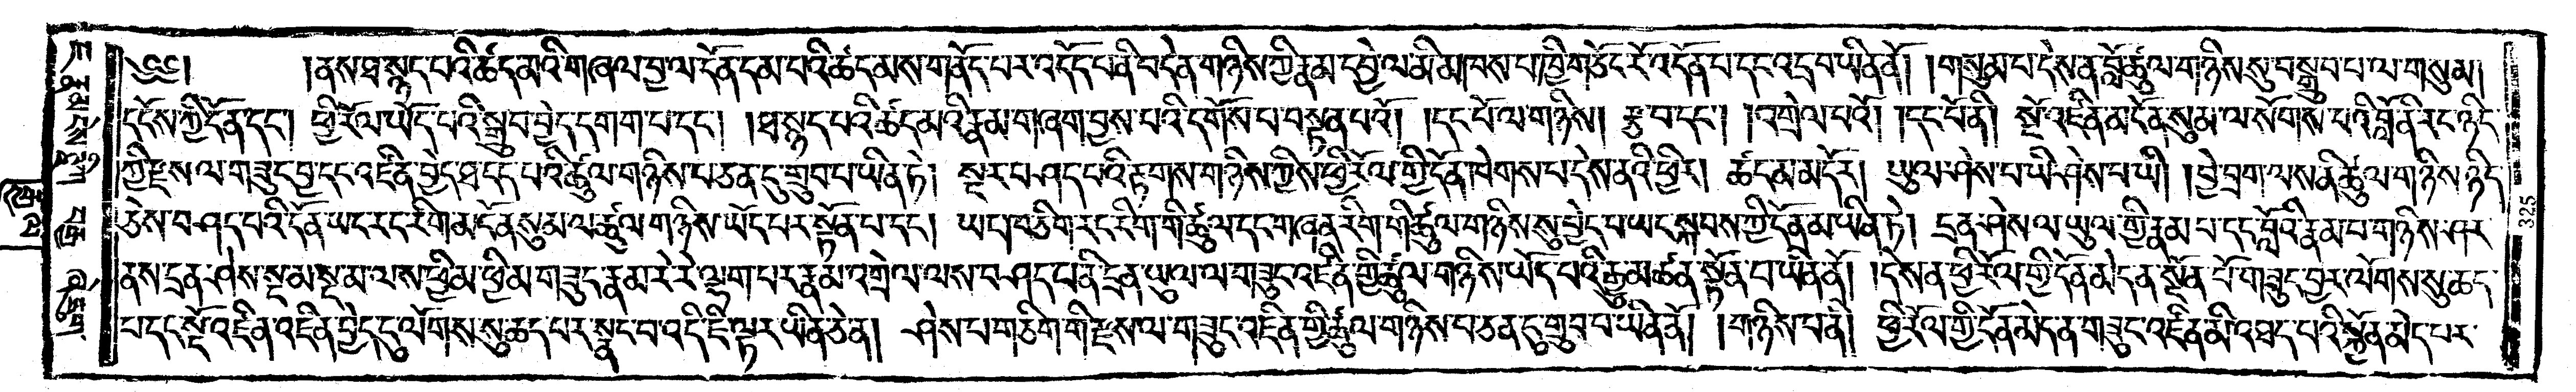༄༅། །ནས་ཐ་སྙད་པའི་ཚད་མའི་གཞལ་བྱ་ལ་དོན་དམ་པའི་ཚད་མས་གནོད་པར་འདོད་པ་ནི་བདེན་གཉིས་ཀྱི་རྣམ་དབྱེ་ལ་མི་མཁས་པ་ཁྱི་གཅོང་རོ་འདོན་པ་དང་འདྲ་བ་ཡིན་ནོ། །གསུམ་པ་དེས་ན་བློ་ཚུལ་གཉིས་སུ་བསྒྲུབ་པ་ལ་གསུམ།
དངོས་ཀྱི་དོན་དང་། ཕྱི་རོལ་ཡོད་པའི་སྒྲུབ་བྱེད་དགག་པ་དང་། །ཐ་སྙད་པའི་ཚད་མའི་རྣམ་གཞག་བྱས་པའི་དགོས་པ་བསྟན་པའོ། །དང་པོ་ལ་གཉིས། རྩ་བ་དང་། །འགྲེལ་པའོ། །དང་པོ་ནི། སྔོ་འཛིན་མངོན་སུམ་ལ་སོགས་པའི་བློ་ནི་རང་ཉིད་
ཀྱི་རྫས་ལ་གཟུང་བྱ་དང་འཛིན་བྱེད་ཐ་དད་པའི་ཚུལ་གཉིས་པ་ཅན་དུ་གྲུབ་པ་ཡིན་ཏེ། སྔར་བཤད་པའི་རྟགས་གཉིས་ཀྱིས་ཕྱི་རོལ་གྱི་དོན་ཁེགས་པ་དེས་ནའི་ཕྱིར། ཚད་མ་མདོར། ཡུལ་ཤེས་པ་ཡི་ཤེས་པ་ཡི། །བྱེ་བྲག་ལས་ནི་ཚུལ་གཉིས་ཉིད་
ཅེས་བཤད་པའི་དོན་ཡང་རང་རིག་མངོན་སུམ་ལ་ཚུལ་གཉིས་ཡོད་པར་སྟོན་པ་དང་། ཡང་ཁ་ཅིག་རང་རིག་གི་ཚུལ་དང་གཞན་རིག་གི་ཚུལ་གཉིས་སུ་བྱེད་པ་ཡང་སྐབས་ཀྱི་དོན་མ་ཡིན་ཏེ། དྲན་ཤེས་ལ་ཡུལ་གྱི་རྣམ་པ་དང་བློའི་རྣམ་པ་གཉིས་ཤར་
ནས་དྲན་ཤེས་སྔ་མ་སྔ་མ་ལས་ཕྱི་མ་ཕྱི་མ་གཟུང་རྣམ་རེ་རེ་ལྷག་པར་རྣམ་འགྲེལ་ལས་བཤད་པ་ནི་དྲན་ཡུལ་ལ་གཟུང་འཛིན་གྱི་ཚུལ་གཉིས་ཡོད་པའི་རྒྱུ་མཚན་སྟོན་པ་ཡིན་ནོ། །དེས་ན་ཕྱི་རོལ་གྱི་དོན་མེད་ན་སྔོན་པོ་གཟུང་བྱར་ལོགས་སུ་ཆད་
པ་དང་སྔོ་འཛིན་འཛིན་བྱེད་དུ་ལོགས་སུ་ཆད་པར་སྣང་བ་འདི་ཇི་ལྟར་ཡིན་ཅེ་ན། ཤེས་པ་གཅིག་གི་རྫས་ལ་གཟུང་འཛིན་གྱི་ཚུལ་གཉིས་པ་ཅན་དུ་གྲུབ་པ་ཡིན་ནོ། །གཉིས་པ་ནི། ཕྱི་རོལ་གྱི་དོན་མེད་ན་གཟུང་འཛིན་མི་འཐད་པའི་སྐྱོན་མེད་པར་